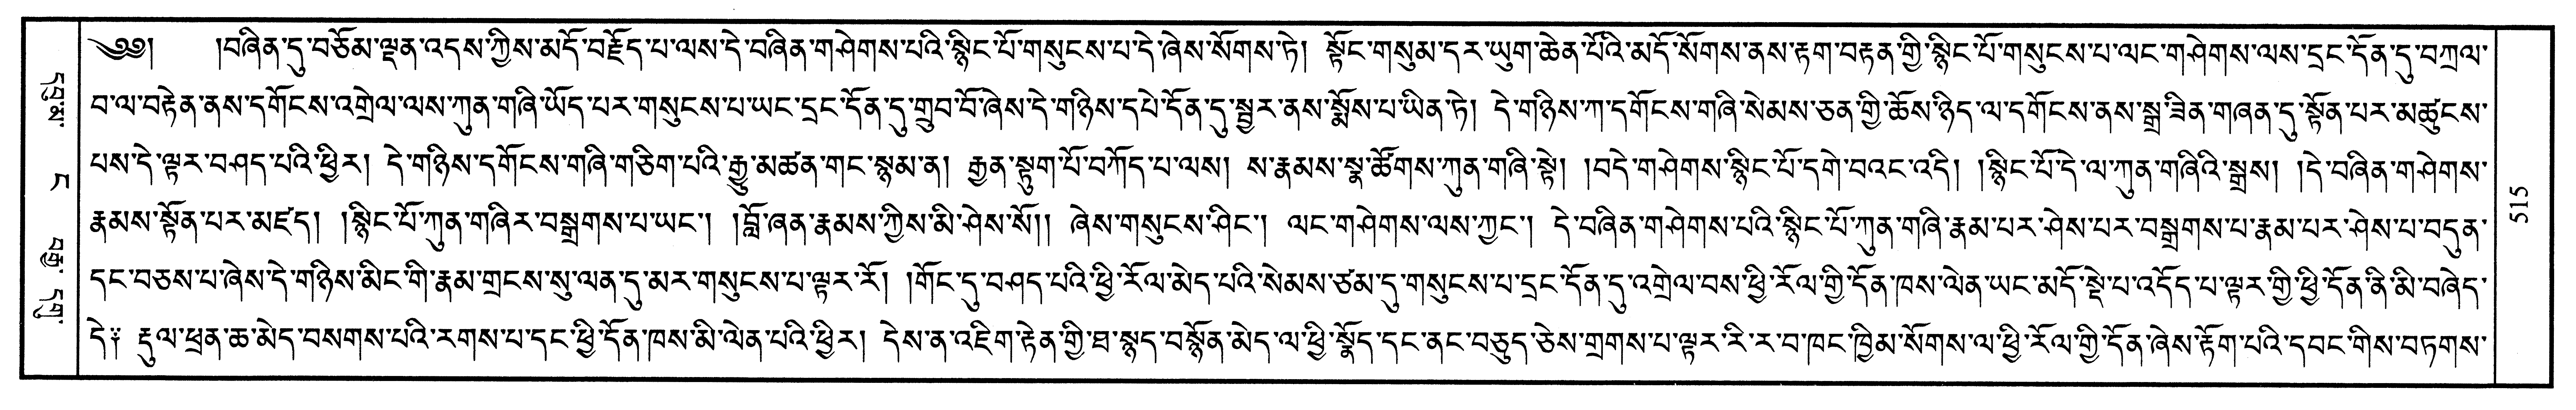༄༅། །བཞིན་དུ་བཅོམ་ལྡན་འདས་ཀྱིས་མདོ་བརྗོད་པ་ལས་དེ་བཞིན་གཤེགས་པའི་སྙིང་པོ་གསུངས་པ་དེ་ཞེས་སོགས་ཏེ། སྟོང་གསུམ་དར་ཡུག་ཆེན་པོའི་མདོ་སོགས་ནས་རྟག་བརྟན་གྱི་སྙིང་པོ་གསུངས་པ་ལང་གཤེགས་ལས་དྲང་དོན་དུ་བཀྲལ་
བ་ལ་བརྟེན་ནས་དགོངས་འགྲེལ་ལས་ཀུན་གཞི་ཡོད་པར་གསུངས་པ་ཡང་དྲང་དོན་དུ་གྲུབ་བོ་ཞེས་དེ་གཉིས་དཔེ་དོན་དུ་སྦྱར་ནས་སྨོས་པ་ཡིན་ཏེ། དེ་གཉིས་ཀ་དགོངས་གཞི་སེམས་ཅན་གྱི་ཆོས་ཉིད་ལ་དགོངས་ནས་སྒྲ་ཟིན་གཞན་དུ་སྟོན་པར་མཚུངས་
པས་དེ་ལྟར་བཤད་པའི་ཕྱིར། དེ་གཉིས་དགོངས་གཞི་གཅིག་པའི་རྒྱུ་མཚན་གང་སྙམ་ན། རྒྱན་སྟུག་པོ་བཀོད་པ་ལས། ས་རྣམས་སྣ་ཚོགས་ཀུན་གཞི་སྟེ། །བདེ་གཤེགས་སྙིང་པོ་དགེ་བའང་འདི། །སྙིང་པོ་དེ་ལ་ཀུན་གཞིའི་སྒྲས། །དེ་བཞིན་གཤེགས་
རྣམས་སྟོན་པར་མཛད། །སྙིང་པོ་ཀུན་གཞིར་བསྒྲགས་པ་ཡང་། །བློ་ཞན་རྣམས་ཀྱིས་མི་ཤེས་སོ། །ཞེས་གསུངས་ཤིང་། ལང་གཤེགས་ལས་ཀྱང་། དེ་བཞིན་གཤེགས་པའི་སྙིང་པོ་ཀུན་གཞི་རྣམ་པར་ཤེས་པར་བསྒྲགས་པ་རྣམ་པར་ཤེས་པ་བདུན་
དང་བཅས་པ་ཞེས་དེ་གཉིས་མིང་གི་རྣམ་གྲངས་སུ་ལན་དུ་མར་གསུངས་པ་ལྟར་རོ། །གོང་དུ་བཤད་པའི་ཕྱི་རོལ་མེད་པའི་སེམས་ཙམ་དུ་གསུངས་པ་དྲང་དོན་དུ་འགྲེལ་བས་ཕྱི་རོལ་གྱི་དོན་ཁས་ལེན་ཡང་མདོ་སྡེ་པ་འདོད་པ་ལྟར་གྱི་ཕྱི་དོན་ནི་མི་བཞེད་
དེ། རྡུལ་ཕྲན་ཆ་མེད་བསགས་པའི་རགས་པ་དང་ཕྱི་དོན་ཁས་མི་ལེན་པའི་ཕྱིར། དེས་ན་འཇིག་རྟེན་གྱི་ཐ་སྙད་བསྙོན་མེད་ལ་ཕྱི་སྣོད་དང་ནང་བཅུད་ཅེས་གྲགས་པ་ལྟར་རི་ར་བ་ཁང་ཁྱིམ་སོགས་ལ་ཕྱི་རོལ་གྱི་དོན་ཞེས་རྟོག་པའི་དབང་གིས་བཏགས་